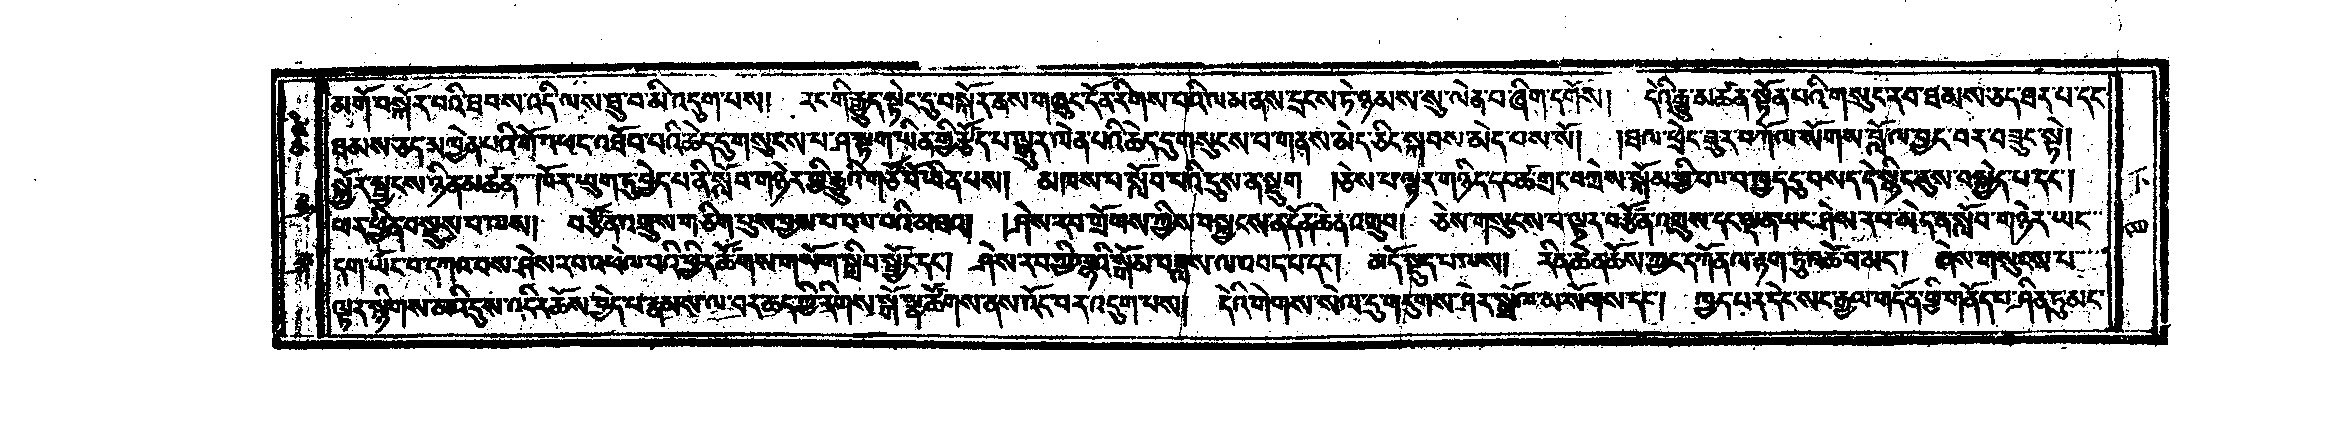མགོ་བསྐོར་བའི་ཐབས་འདི་ལས་ཐུ་བ་མི་འདུག་པས། རང་གི་རྒྱུད་སྟེང་དུ་བསྐོར་ནས་གཞུང་དོན་རིགས་པའི་ལམ་ནས་དྲངས་ཏེ་ཉམས་སུ་ལེན་པ་ཞིག་དགོས། དེའི་རྒྱུ་མཚན་སྟོན་པའི་གསུང་རབ་ཐམས་ཅད་ཐར་པ་དང་
ཐམས་ཅད་མཁྱེན་པའི་གོ་འཕང་འཐོབ་པའི་ཆེད་དུ་གསུངས་པ་ཤ་སྟག་ཡིན་གྱི་རྩོད་པ་ལྷུར་ལེན་པའི་ཆེད་དུ་གསུངས་པ་གནས་མེད་ཅིང་སྐབས་མེད་པས་སོ། །ཐལ་ཕྲེང་ཟུར་བཀོལ་སོགས་བློ་ལ་བྱང་བར་བཟུང་སྟེ།
སྐྱོར་སྦྱངས་ཉིན་མཚན་ཁོར་ཡུག་ཏུ་བྱེད་པ་ནི་སློབ་གཉེར་གྱི་རྒྱུའི་གཙོ་བོ་ཡིན་པས། མཁས་པ་སློབ་པའི་དུས་ན་སྡུག །ཅེས་པ་ལྟར་གཉིད་དང་ཚ་གྲང་བཀྲེས་སྐོམ་གྱི་ངལ་བ་ཁྱད་དུ་བསད་དེ་སྙིང་རུས་བསྐྱེད་པ་དང་།
ཕར་ཕྱིན་བསྡུས་པ་ལས། བརྩོན་འགྲུས་གཅིག་པུས་བྱས་པ་ངལ་བའི་མཐའ། །ཤེས་རབ་གྲོགས་ཀྱིས་བསྐྱངས་ན་དོན་ཆེན་འགྲུབ། ཅེས་གསུངས་པ་ལྟར་བརྩོན་འགྲུས་དང་ལྡན་ཡང་ཤེས་རབ་མེད་ན་སློབ་གཉེར་ཡང་
དག་ཡོང་བ་དཀའ་བས་ཤེས་རབ་འཕེལ་བའི་ཕྱིར་ཚོགས་གསོག་སྒྲིབ་སྦྱོང་དང་། ཤེས་རབ་ཀྱི་ལྷའི་སྒོམ་བཟླས་ལ་འབད་པ་དང་། མདོ་སྡུད་པ་ལས། རིན་ཆེན་ཆོས་ཀྱང་དཀོན་ལ་རྟག་ཏུ་འཚེ་བ་མང་། ཞེས་གསུངས་པ་
ལྟར་སྙིགས་མའི་དུས་འདིར་ཆོས་བྱེད་པ་རྣམས་ལ་བར་ཆད་ཀྱི་རིགས་སྒོ་སྣ་ཚོགས་ནས་འོང་བར་འདུག་པས། དེའི་གེགས་སེལ་དུ་གདུགས་ཤེར་སྒྲོལ་མ་སོགས་དང་། ཁྱད་པར་དེང་སང་རྒྱལ་གདོན་གྱི་གནོད་པ་ཤིན་ཏུ་མང་